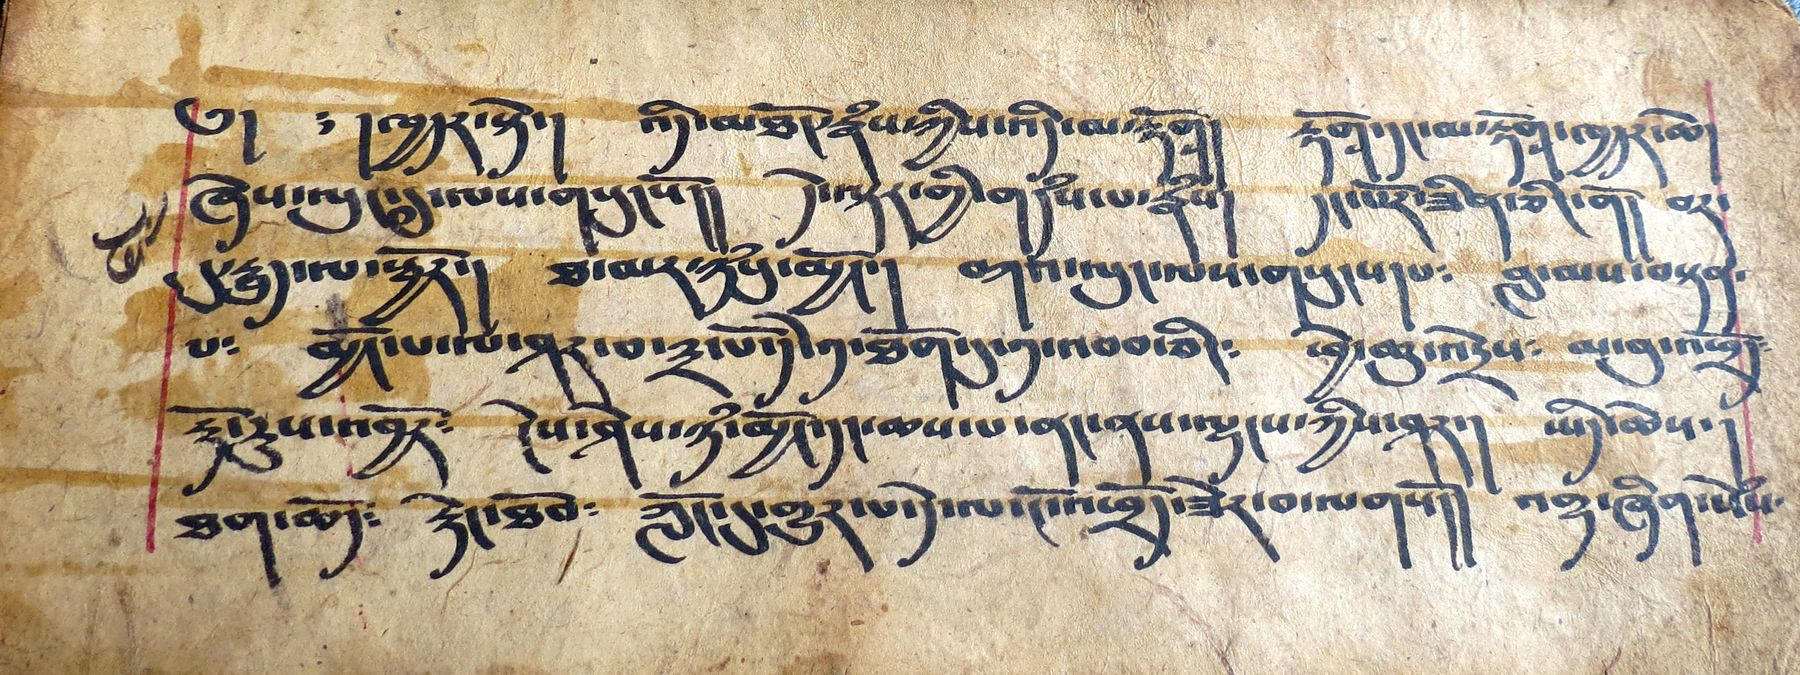ཁྱད་པར་ཆེ་སྟེ། འདི་མཐོང་རྣམས་ཀྱི་འདི་མ་རྟོགས། དེ་རྟོགས་མ་རྟོགས་ཁྱད་པར་ཆེ། 
ཞེས་ལུང་དྲུག་ལས་གསུངས་སོ། དེ་ལྟར་གྱི་གདམས་པ་རྣམས་དང་པོར་ངོ་ཟིན་ཅིང་གོ། བར་
དུ་རྒྱུད་ལ་འབྱོར། ཐ་མར་ཉམས་སུ་མྱོང་། བཀའ་ལུང་ལས་གསུངས་པ། བླ་མས་བསྟན་
པ། མྱོང་བ་ལ་ཤར་བ་གསུམ་པོ་དེ་གཅིག་ཐོག་ཏུ་གཅིག་ཕབ་ཅིང་། ཕྱེ་ཆུ་འདྲེས། མ་བུ་འཕྲོད། 
རྡོ་རུས་འབྱོར། ངོ་ཤེས་ཉམས་མྱོང་དང་བཅས་པ་ནང་ནས་ལྷངས་ཀྱིས་ཤར། ཡིད་ཆེས། 
ཐག་ཆོད། རྡེང་ཐོབ། ཀློང་དུ་གྱུར་པ་དེ་ལ་ངོ་འཕྲོད་པ་ཟེར་བ་ལགས་སོ། ། འགའ་ཞིག་སེམས་